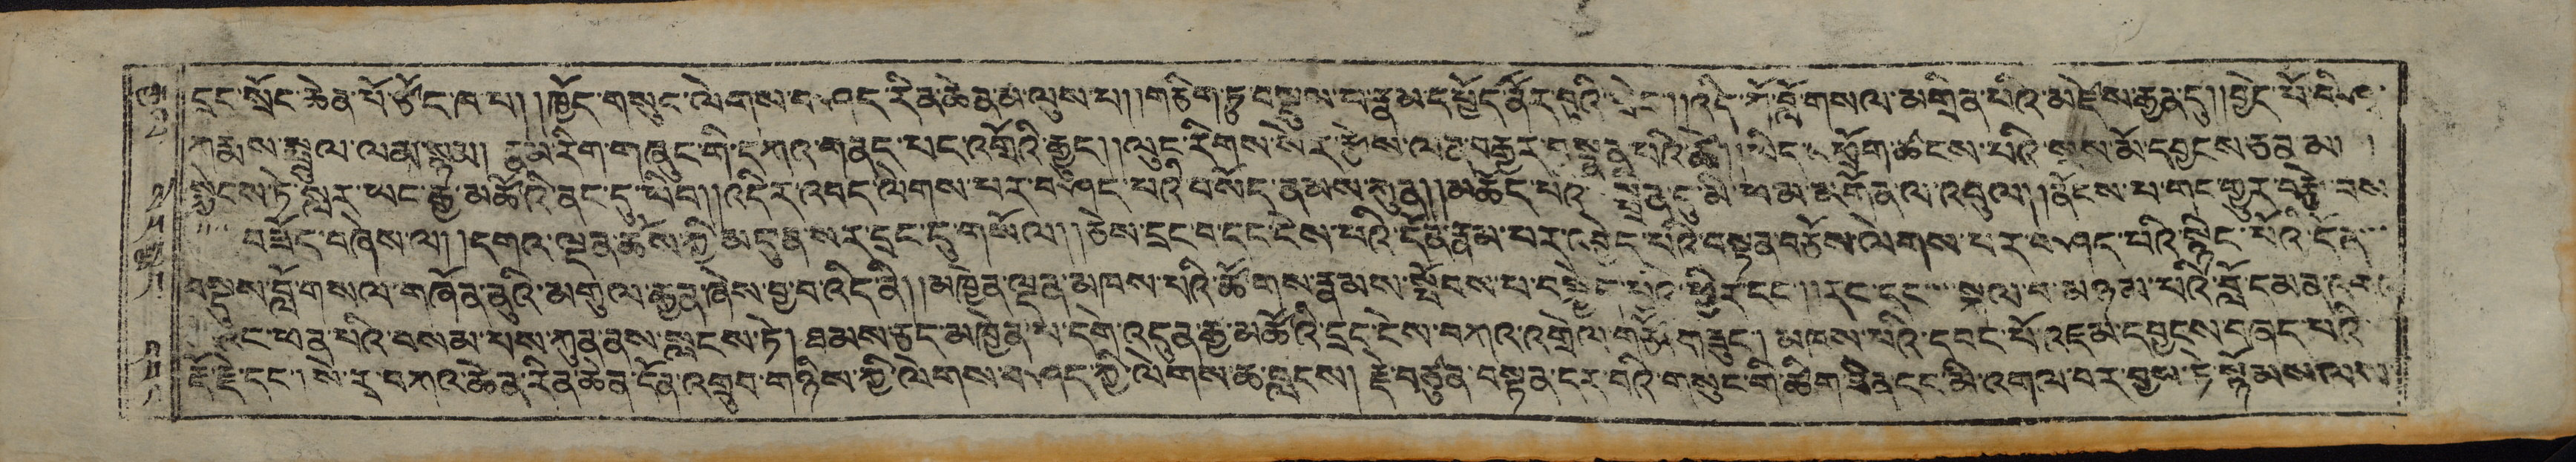དྲང་སོང་ཆེན་པོ་ཙོང་ཁ་པ། །ཁྱོད་གསུང་ལེགས་བཤད་རིན་ཆེན་མ་ལུས་པ། །གཅིག་ཏུ་བསྡུས་པ་རྣམ་དཔྱོད་ནོར་བུའི་ཕྲེང་། །འདི་ཀོ་བློ་གསལ་མགྲིན་པའི་མཛེས་རྒྱན་དུ། །བྱེད་པོ་བི་ཤྭ་
ཀརྨས་སྤྲུལ་ལམ་སྙམ། །རྣམ་རིག་གཞུང་གི་དཀའ་གནད་ཕང་འགྲོའི་རྒྱུད། །ལུང་རིགས་སེར་རྩེས་ལན་བརྒྱར་བསྣུན་པའི་ཚེ། །ཡིད་འཕྲོག་ཚངས་པའི་སྲས་མོ་དབྱངས་ཅན་མ། །
སྐྱེངས་ཏེ་སླར་ཡང་རྒྱ་མཚོའི་ནང་དུ་ཡིབ། །འདིར་འབད་ལེགས་པར་བཤད་པའི་བསོད་ནམས་ཀུན། །མཆོད་པའི་སྤྲིན་དུ་མི་ཕམ་མགོན་ལ་འབུལ། །ནོངས་པ་གང་གྱུར་བརྩེ་བས་
བཟོད་བཞེས་ལ། །དགའ་ལྡན་ཆོས་ཀྱི་མདུན་སར་དྲང་དུ་གསོལ། །ཅེས་དྲང་བ་དང་ངེས་པའི་དོན་རྣམ་པར་འབྱེད་པའི་བསྟན་བཅོས་ལེགས་པར་བཤད་པའི་སྙིང་པོའི་དོན་
བསྡུས་བློ་གསལ་གཞོན་ནུའི་མགུལ་རྒྱན་ཞེས་བྱ་བ་འདི་ནི། །མཁྱེན་ལྡན་མཁས་པའི་ཚོགས་རྣམས་སྤོབས་པ་བསྐྱེད་པའི་ཕྱིར་དང་། །རང་དང་སྐལ་བ་མཉམ་པའི་བློ་དམན་ལ་
ལའང་ཕན་པའི་བསམ་པས་ཀུན་ནས་སླངས་ཏེ། ཐམས་ཅད་མཁྱེན་པ་དགེ་འདུན་རྒྱ་མཚོའི་དྲང་ངེས་བཀའ་འགྲེལ་གཙོ་བོར་གཟུང་། མཁས་པའི་དབང་པོ་འཇམ་དབྱངས་བཞད་པའི་
རྡོ་རྗེ་དང་། སེ་རྭ་ར་བཀའ་ཆེན་རིན་ཆེན་དོན་འགྲུབ་གཉིས་ཀྱི་ལེགས་བཤད་ཀྱི་ལེགས་ཆ་བླངས། རྗེ་བཙུན་བསྟན་དར་བའི་གསུང་གི་ཚིག་ཟིན་དང་མི་འགལ་བར་བྱས་ཏེ་སྙོམས་ལས་